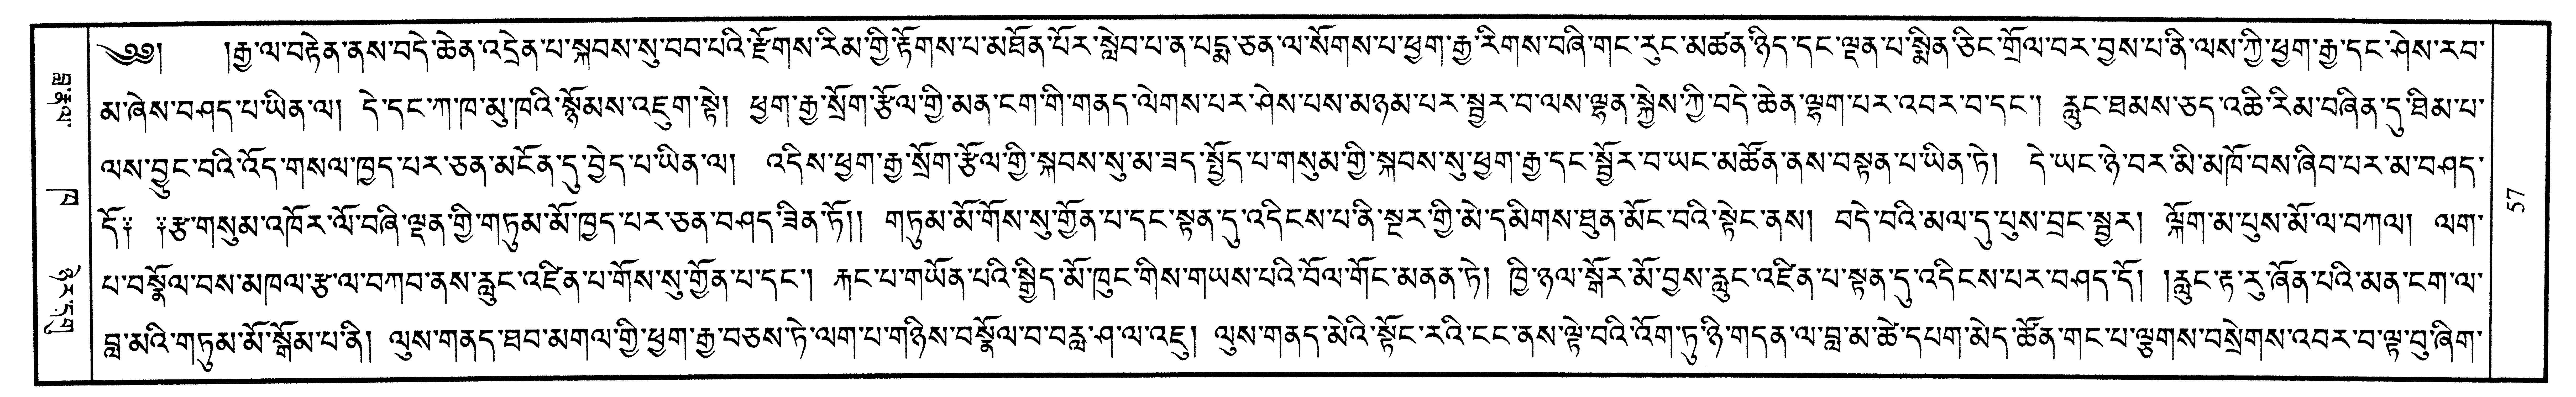༄༅། །རྒྱ་ལ་བརྟེན་ནས་བདེ་ཆེན་འདྲེན་པ་སྐབས་སུ་བབ་པའི་རྫོགས་རིམ་གྱི་རྟོགས་པ་མཐོན་པོར་སླེབ་པ་ན་པདམ་ཅན་ལ་སོགས་པ་ཕྱག་རྒྱ་རིགས་བཞི་གང་རུང་མཚན་ཉིད་དང་ལྡན་པ་སྨིན་ཅིང་གྲོལ་བར་བྱས་པ་ནི་ལས་ཀྱི་ཕྱག་རྒྱ་དང་ཤེས་རབ་
མ་ཞེས་བཤད་པ་ཡིན་ལ། དེ་དང་ཀ་ཁ་མུ་ཁའི་སྙོམས་འཇུག་སྟེ། ཕྱག་རྒྱ་སྲོག་རྩོལ་གྱི་མན་ངག་གི་གནད་ལེགས་པར་ཤེས་པས་མཉམ་པར་སྦྱར་བ་ལས་ལྷན་སྐྱེས་ཀྱི་བདེ་ཆེན་ལྷག་པར་འབར་བ་དང་། རླུང་ཐམས་ཅད་འཆི་རིམ་བཞིན་དུ་ཐིམ་པ་
ལས་བྱུང་བའི་འོད་གསལ་ཁྱད་པར་ཅན་མངོན་དུ་བྱེད་པ་ཡིན་ལ། འདིས་ཕྱག་རྒྱ་སྲོག་རྩོལ་གྱི་སྐབས་སུ་མ་ཟད་སྤྱོད་པ་གསུམ་གྱི་སྐབས་སུ་ཕྱག་རྒྱ་དང་སྦྱོར་བ་ཡང་མཚོན་ནས་བསྟན་པ་ཡིན་ཏེ། དེ་ཡང་ཉེ་བར་མི་མཁོ་བས་ཞིབ་པར་མ་བཤད་
དོ༑ ༑རྩ་གསུམ་འཁོར་ལོ་བཞི་ལྡན་གྱི་གཏུམ་མོ་ཁྱད་པར་ཅན་བཤད་ཟིན་ཏོ། །གཏུམ་མོ་གོས་སུ་གྱོན་པ་དང་སྟན་དུ་འདིངས་པ་ནི་སྔར་གྱི་མེ་དམིགས་ཐུན་མོང་བའི་སྟེང་ནས། བདེ་བའི་མལ་དུ་པུས་བྲང་སྦྱར། ཀློག་མ་པུས་མོ་ལ་བཀལ། ལག་
པ་བསྣོལ་བས་མཁལ་རྩ་ལ་བཀབ་ནས་རླུང་འཛིན་པ་གོས་སུ་གྱོན་པ་དང་། རྐང་པ་གཡོན་པའི་སྒྱིད་མོ་ཁུང་གིས་གཡས་པའི་བོལ་གོང་མནན་ཏེ། ཁྱི་ཉལ་སྒོར་མོ་བྱས་རླུང་འཛིན་པ་སྟན་དུ་འདིངས་པར་བཤད་དོ། །རླུང་རྟ་རུ་ཞོན་པའི་མན་ངག་ལ་
བླ་མའི་གཏུམ་མོ་སྒོམ་པ་ནི། ལུས་གནད་ཐབ་མགལ་གྱི་ཕྱག་རྒྱ་བཅས་ཏེ་ལག་པ་གཉིས་བསྣོལ་བ་བྲལ་ཤ་ལ་འཇུ། ལུས་གནད་མེའི་སྟོང་སྟོང་རའི་ངང་ནས་ལྟེ་བའི་འོག་ཏུ་ཉི་གདན་ལ་བླ་མ་ཚེ་དཔག་མེད་ཚོན་གང་པ་ལྕགས་བསྲེགས་འབར་བ་ལྟ་བུ་ཞིག་